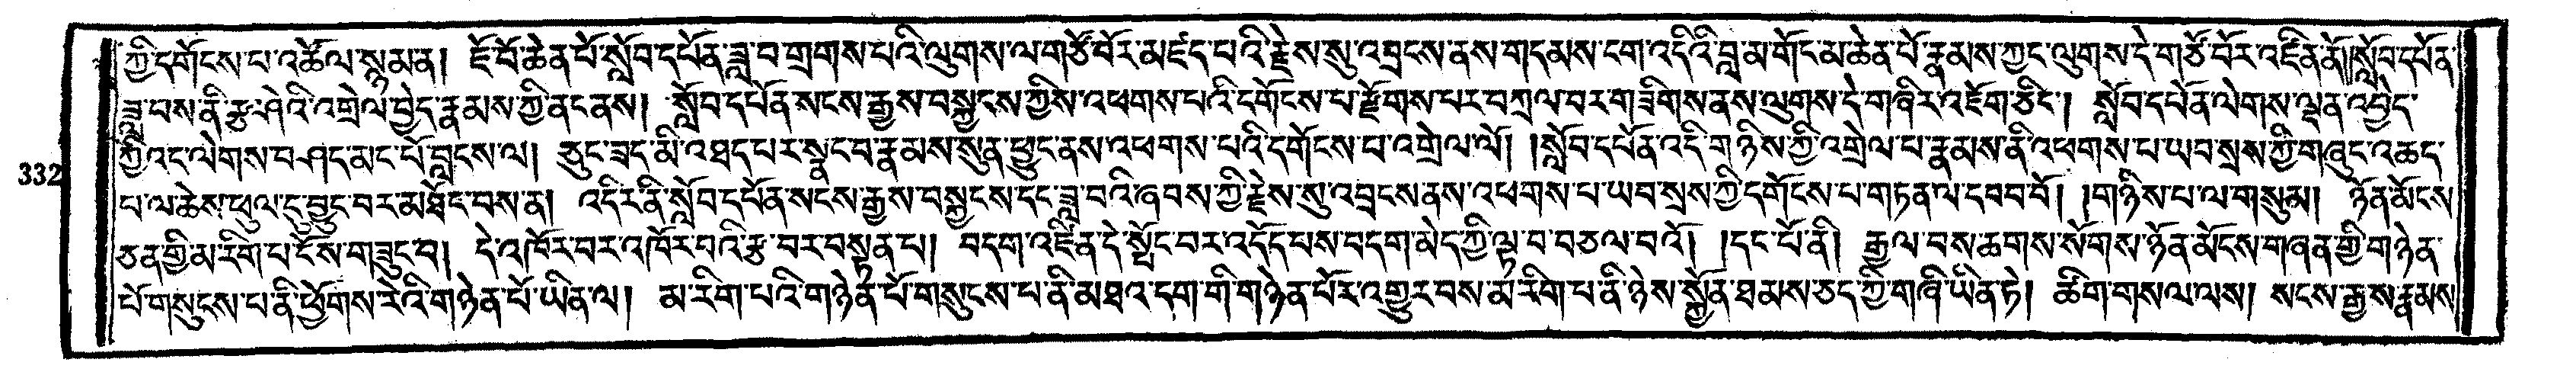ཀྱི་དགོངས་པ་འཚེལ་སྙམ་ན། ཇོ་བོ་ཆེན་པོ་སློབ་དཔོན་ཟླ་བ་གྲགས་པའི་ལུགས་ལ་གཙོ་བོར་མཛད་པའི་རྗེས་སུ་འབྲངས་ནས་གདམས་ངག་འདིའི་བླ་མ་གོང་མ་ཆེན་པོ་རྣམས་ཀྱང་ལུགས་དེ་གཙོ་བོར་འཛིན་ནོ། །སློབ་དཔོན་
ཟླ་བས་ནི་རྩ་ཤེའི་འགྲེལ་བྱེད་རྣམས་ཀྱི་ནང་ནས། སློབ་དཔོན་སངས་རྒྱས་བསྐྱངས་ཀྱིས་འཕགས་པའི་དགོངས་པ་རྫོགས་པར་བཀྲལ་བར་གཟིགས་ནས་ལུགས་དེ་གཞིར་འཇོག་ཅིང་། སློབ་དཔོན་ལེགས་ལྡན་འབྱེད་
ཀྱིའང་ལེགས་བཤད་མང་པོ་བླངས་ལ། ཅུང་ཟད་མི་འཐད་པར་སྣང་བ་རྣམས་སུན་ཕྱུང་ནས་འཕགས་པའི་དགོངས་པ་འགྲེལ་ལོ། །སློབ་དཔོན་འདི་གཉིས་ཀྱི་འགྲེལ་བ་རྣམས་ནི་འཕགས་པ་ཡབ་སྲས་ཀྱི་གཞུང་འཆད་
པ་ལ་ཆེས་ཕུལ་དུ་བྱུང་བར་མཐོང་བས་ན། འདིར་ནི་སློབ་དཔོན་སངས་རྒྱས་བསྐྱངས་དང་ཟླ་བའི་ཞབས་ཀྱི་རྗེས་སུ་འབྲངས་ནས་འཕགས་པ་ཡབ་སྲས་ཀྱི་དགོངས་བ་གཏན་ལ་དབབ་བོ། །གཉིས་པ་ལ་གསུམ། ཉོན་མོངས་
ཅན་གྱི་མ་རིག་པ་ངེས་གཟུང་བ། དེ་འཁོར་བར་འཁོར་བའི་རྩ་བར་བསྟན་པ། བདག་འཛིན་དེ་སྤོང་བར་འདོད་པས་བདག་མེད་ཀྱི་ལྟ་བ་བཅལ་བའོ། །དང་པོ་ནི། རྒྱལ་བས་ཆགས་སོགས་ཉོན་མོངས་གཞན་གྱི་གཉེན་
པོ་གསུངས་པ་ནི་ཕྱོགས་རེའི་གཉེན་པོ་ཡིན་ལ། མ་རིག་པའི་གཉེན་པོ་གསུངས་པ་ནི་མཐའ་དག་གི་གཉེན་པོར་འགྱུར་བས་མ་རིག་པ་ནི་ཉེས་སྐྱོན་ཐམས་ཅད་ཀྱི་གཞི་ཡིན་ཏེ། ཚིག་གསལ་ལས། སངས་རྒྱས་རྣམས་